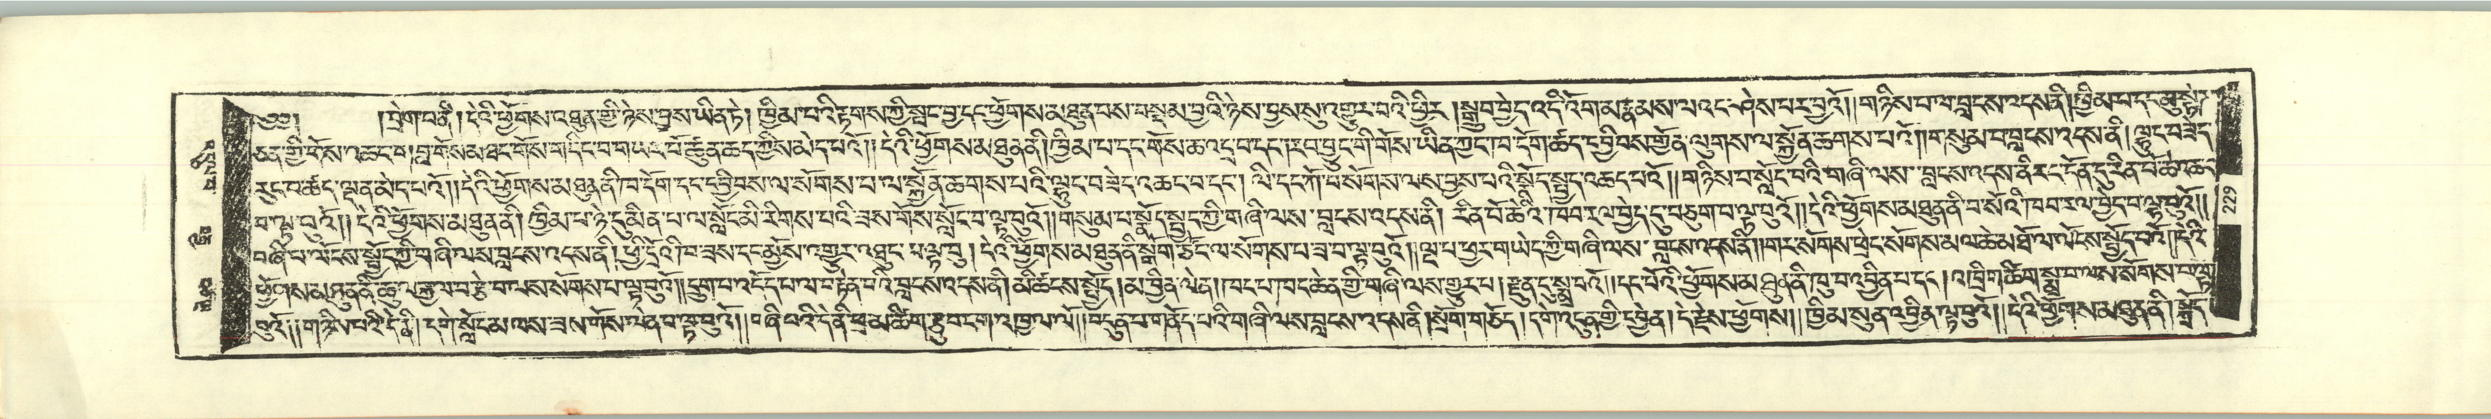༄༅། །བྲེག་པ་ནི། དེའི་ཕྱོགས་འཐུན་གྱི་ཉེས་བྱས་ཡིན་ཏེ། ཁྱིམ་པའི་རྟགས་ཀྱི་སྤང་བྱ་དང་ཕྱོགས་མཐུན་པས་བསྡམ་བྱའི་ཉེས་བྱས་སུ་འགྱུར་བའི་ཕྱིར། སྒྲུབ་བྱེད་འདི་འོག་མ་རྣམས་ལའང་ཤེས་པར་བྱའོ། །གཉིས་པ་ལ་བླངས་འདས་ནི། ཁྱིམ་པ་དང་མུ་སྟེགས་
ཅན་གྱི་གོས་འཆང་བ། བླ་གོས་མཐར་གོས་གདིང་བ་གཡང་པོཚུན་ཆད་ཀྱིས་མེད་པའོ། །དེའི་ཕྱོགས་མཐུན་ནི། ཁྱིམ་པ་དང་གོས་ཆ་འདྲ་བ་དང་། རབ་བྱུང་གི་གོས་ཡིན་ཀྱང་ཁ་དོག་ཚད་དབྱིབས་གྱོན་ལུགས་ལ་སྐྱོན་ཆགས་པའོ། །གསུམ་བ་བླངས་འདས་ནི། ལྷུང་བཟེད་
རུང་བ་ཚད་ལྡན་མེད་པའོ། །དེའི་ཕྱོགས་མཐུན་ནི་ཁ་དོག་དང་དབྱིབས་ལ་སོགས་པ་ལ་སྐྱོན་ཆགས་པའི་ལྷུང་བཟེད་འཆང་བ་དང་། ལི་དང་ཀོ་བ་སོགས་ལས་བྱས་པའི་སྣོད་སྤྱད་འཆད་པའོ། །གཉིས་པ་སློང་བའི་གཞི་ལས་བླངས་འདས་ནི་རང་དོན་དུ་རིན་པོ་ཆེ་འཆར་
བ་ལྟ་བུའོ། །དེའི་ཕྱོགས་མཐུན་ནི། ཁྱིམ་པ་ཉེ་དུ་མིན་པ་ལ་སློང་མི་རིགས་པའི་ཟས་གོས་སློང་བ་ལྟུ་བུའོ། །གསུམ་པ་སྣོད་སྤྱད་ཀྱི་གཞི་ལས་བླངས་འདས་ནི། རིན་པོ་ཆེའི་ཁབ་རལ་བྱེད་དུ་བཅུག་པ་ལྟ་བུའི། །དེའི་ཕྱོགས་མཐུན་ནི་བ་སོའི་ཁབ་རལ་བྱེད་པ་ལྟ་བུའོ། །
བཞི་པ་ལོངས་སྤྱོད་ཀྱི་གཞི་ལས་བླངས་འདས་ནི། ཕྱི་དྲོའི་ཁ་ཟས་དང་མྱོས་འགྱུར་འཐུགན་པ་ལྟ་བུ། དེའི་ཕྱོགས་མཐུན་ནི་སྒོག་ཙོང་ལ་སོགས་པ་ཟ་བ་ལྟ་བུའོ། །ལྔ་པ་ཕྱར་གཡེད་ཀྱི་གཞི་ལས་བླངས་འདས་ནི། །གར་སོགས་ཕྲེང་སོགས་མལ་ཆེ་མཐོ་ལ་ལོངས་སྤྱོད་བའོ། །དེའི་
ཕྱོགས་མཐུན་ནི་ཆུ་ལ་རྐྱལ་བ་རྩེ་བ་ལས་སོགས་པ་ལྟ་བུའོ། །དྲུག་པ་འདོད་པ་ལ་བརྟེན་པའི་བླངས་འདས་ནི། མི་ཚངས་སྤྱོད། མ་བྱིན་ལེན། ཁང་པ་ཁང་ཆེན་གྱི་གཞི་ལས་གྱུར་པ། རྡུཟན་དུ་སྨྲ་བའོ། །དང་པོའི་ཕྱོགས་མཐུན་ནི་ཁུ་བ་འབྱིན་པ་དང་། འཁྲིག་ཚིག་སྨྲ་བ་ལས་སོགས་བ་ལྟ་
བུའོ༑ ༑གཉིས་པའི་དེ་ནི། དགེ་སློང་མ་ཁས་ཟས་གོས་ལེན་པ་ལྟ་བུའོ། །བཞི་པའི་དེ་ནི་ཕྲ་མ་ཚིག་རྩུ་བར་ག་འཁྱལ་ལོ། །བདུན་པ་གནོད་པའིག་ཞི་ལས་བླངས་འདས་ནི། སྲོག་གཅོད། དགེ་འདུན་གྱི་དབྱེ་ན། དེ་རྗེས་ཕྱོགས། །ཁྱིམ་སུན་འབྱིན་ལྟ་བུའོ། །དེའི་ཕྱོགས་མཐུན་ནི། སྐྲོད་